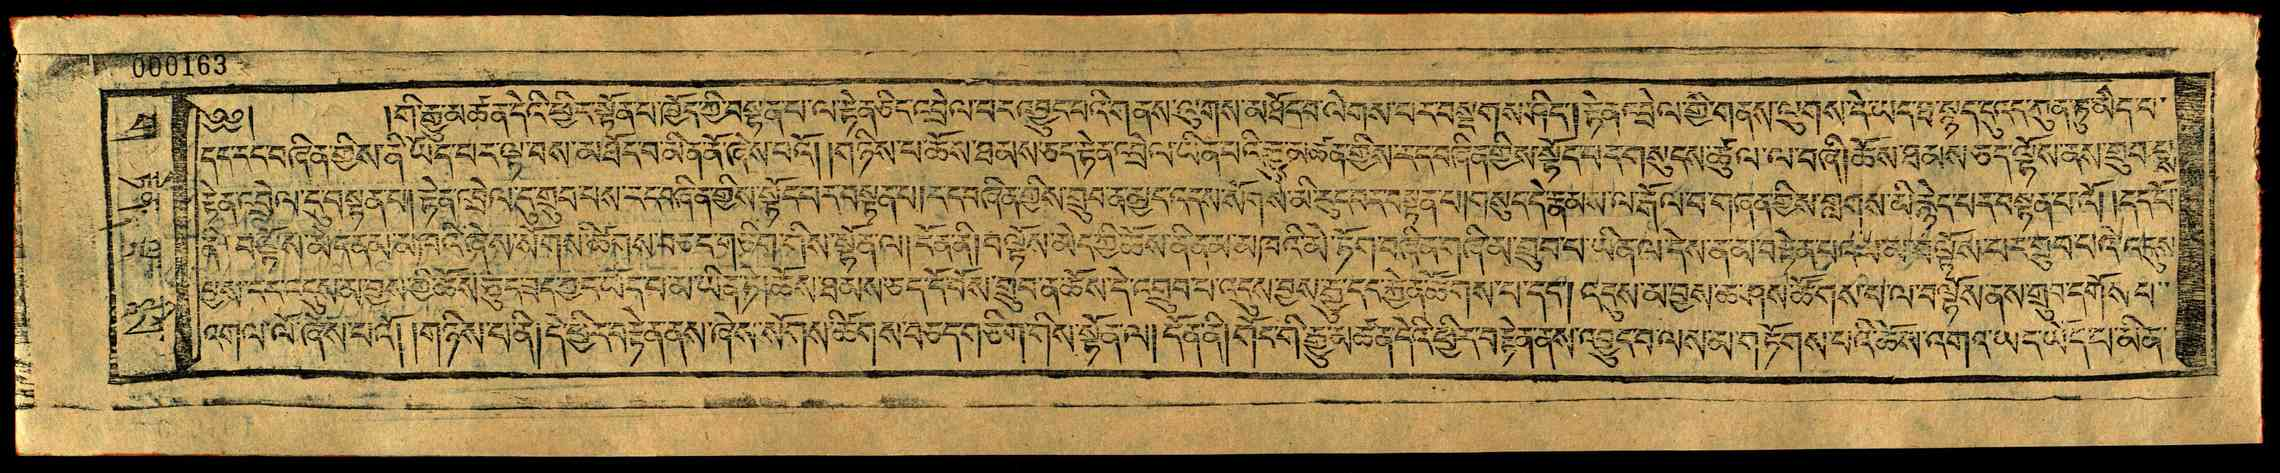༄༅། །གི་རྒྱུ་མཚན་དེའི་ཕྱིར་སྟོན་པ་ཁྱོད་ཀྱི་བསྟན་པ་ལ་རྟེན་ཅིང་འབྲེལ་པར་འབྱུང་བའི་གནས་ལུགས་མཐོང་བ་ལེགས་པར་བསྡགས་ཤིང་། རྟེན་འབྲེལ་གྱི་གནས་ལུགས་དེ་ཡང་ཐ་སྙད་དུའང་ཀུན་ཏུ་མེད་པ་
དང་རང་བཞིན་གྱིས་ནི་ཡོད་པར་ལྟ་བས་མཐོང་བ་མིན་ནོ་ཞེས་པའོ། །གཉིས་པ་ཆོས་ཐམས་ཅད་རྟེན་འབྲེལ་ཡིན་པའི་རྒྱུ་མཚན་གྱིས་རང་བཞིན་གྱིས་སྟོང་པར་གསུངས་ཚུལ་ལ་བཞི། ཆོས་ཐམས་ཅད་ལྟོས་ནས་གྲུབ་པས་
རྟེན་འབྲེལ་དུ་བསྟན་པ། རྟེན་འབྲེལ་དུ་གྲུབ་པས་རང་བཞིན་གྱིས་སྟོང་པར་བསྟན་པ། རང་བཞིན་གྱིས་གྲུབ་ན་མྱང་འདས་སོགས་མི་རུང་པར་བསྟན་པ། གསུང་དེ་རྣམས་ལ་རྒོལ་བ་གཞན་གྱིས་གླགས་མི་རྙེད་པར་བསྟན་པའོ། །དང་པོ་
ནི། བལྟོས་མེད་ནམ་མཁའི་ཞེས་སོགས་ཚིགས་བཅད་གཅིག་གིས་སྟོན་ལ། དོན་ནི། བསྟོས་མེད་ཀྱི་ཆོས་ནི་ནམ་མཁའི་མེ་ཏོག་བཞིན་གཞི་མ་གྲུབ་པ་ཡིན་ལ་དེས་ན་མ་བརྟེན་པའམ་མ་བལྟོས་པར་གྲུབ་པའི་འདུས་
བྱས་དང་འདུས་མ་བྱས་ཀྱི་ཆོས་ཅུང་ཟད་ཀྱང་ཡོད་པ་མ་ཡིན་ཏེ། ཆོས་ཐམས་ཅད་ངོ་བོས་གྲུབ་ན་ཆོས་དེ་འགྲུབ་པ་འདུས་བྱས་རྒྱུ་དང་རྐྱེན་ཚོགས་པ་དང་། འདུས་མ་བྱས་ཆ་ཤས་ཚོགས་པ་ལ་བལྟོས་ནས་གྲུབ་དགོས་པ་
འགལ་ལོ་ཞེས་པའོ། །གཉིས་པ་ནི། དེ་ཕྱིར་བརྟེན་ནས་ཞེས་སོགས་ཚིགས་བཅད་གཅིག་གིས་སྟོན་ལ། དོན་ནི། གོང་གི་རྒྱུ་མཚན་དེའི་ཕྱིར་བརྟེན་ནས་འབྱུང་བ་ལས་མ་གཏོགས་པའི་ཆོས་འགའ་ཡང་ཡོད་པ་མིན་